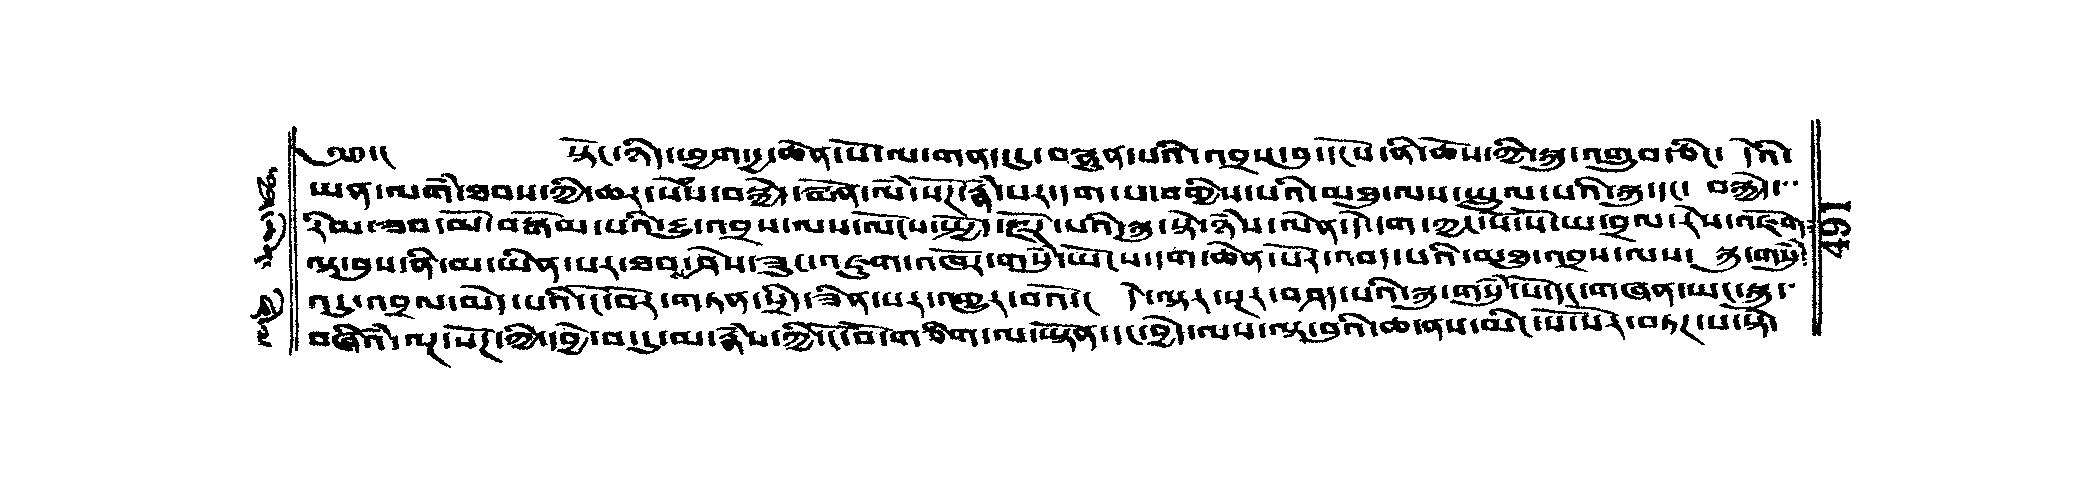སྟོང་ཉིད་ཕྱག་རྒྱ་ཆེན་པོ་ལ་གནད་དུ་བསྣུན་པའི་འབྲས་བུ་དངོས་ནི་ཆོས་ཀྱི་སྐུ་འགྲུབ་ཅིང་། དེའི་
ཡན་ལག་གམ་ཐབས་ཀྱི་ཆར་སེམས་བསྐྱེད་སྨོན་ལམ་སོགས་རྣམ་པར་དག་པ་བགྱིས་པའི་མཐུ་ལས་སྤྲུལ་པའི་སྐུ་དང་། བསྐྱེད་
རིམ་ཟབ་མོ་བསྒོམ་པའི་རྒྱུ་འབྲས་ལས་ལོངས་སྤྱོད་རྫོགས་པའི་སྐུ་སྟེ་ཉམས་ལེན་དེ་དག་ཀྱང་སོ་སོ་ཡ་བྲལ་རེས་འཇོག་
ལྟ་བུ་ནི་མ་ཡིན་པར་ཐབས་ཤེས་ཟུང་འཇུག་འཁོར་གསུམ་ཡོངས་དག་ཆེན་པོར་འབད་པའི་མཐུ་འབྲས་ལས་ སྐུ་གསུམ་
འདུ་འབྲལ་མེད་པའི་ངོ་བོར་གཏན་སྲིད་ཟིན་པར་འགྱུར་བའོ། དེ་ལྟར་སྔར་བཤད་པའི་སྐུ་གསུམ་པོ་དང་གཞན་ཡང་སྐུ་
བཞིའམ་ལྔ་སོགས་ཀྱི་དབྱ་བ་དུ་མ་རྣམས་ཀྱི་ངོ་བོ་གཅིག་ལ་ཡོན་ཏན་དང་བྱེད་ལས་ལྟ་བུའི་ཆ་ནས་མིང་སོ་སོར་བཏགས་པ་སྟེ་